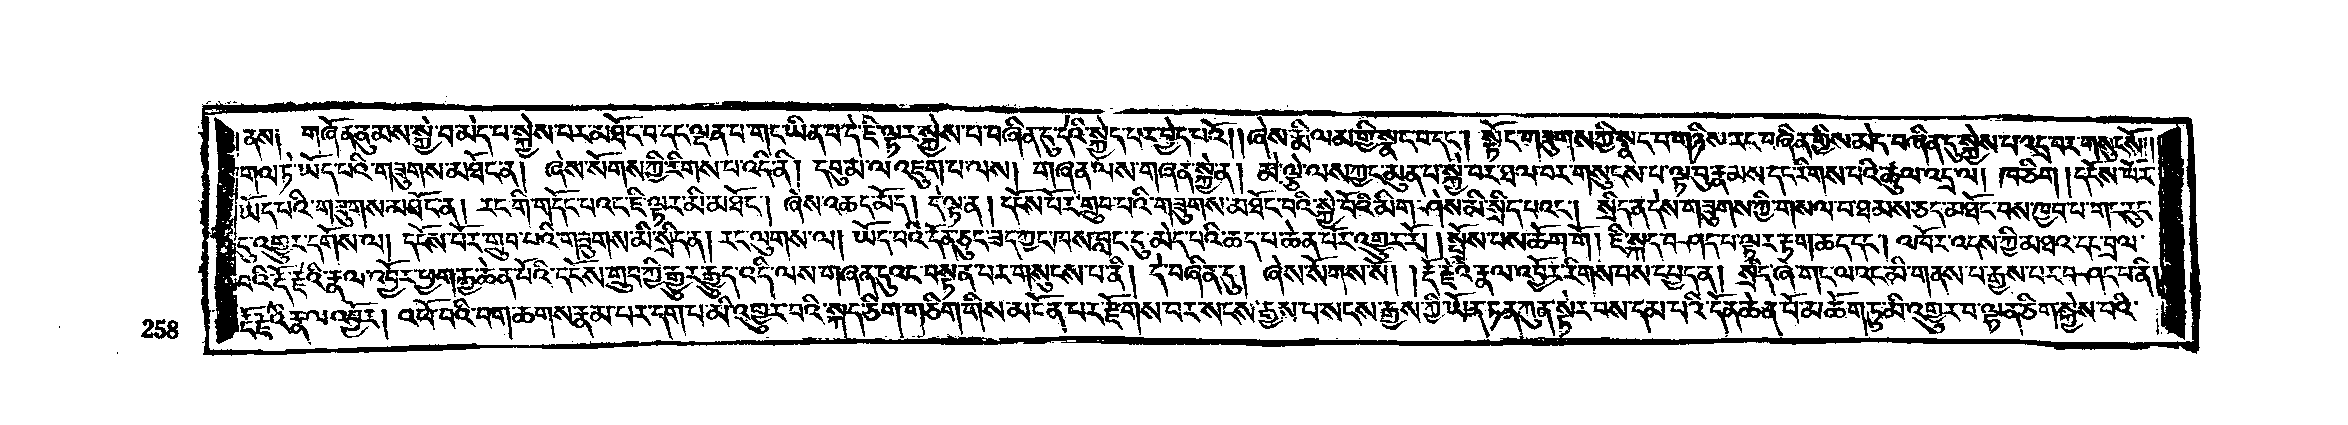ནས། གཞོན་ནུ་མས་སྐྱེ་བ་མེད་པ་སྐྱེས་པར་མཐོང་བ་དང་ལྡན་པ་གང་ཡིན་པ་དེ་ཇི་ལྟར་སྐྱེས་པ་བཞིན་དུ་དེའི་སྐྱེད་པར་བྱེད་པའོ། །ཞེས་རྨི་ལམ་གྱི་སྣང་བ་དང་། སྟོང་གཟུགས་ཀྱི་སྣང་བ་གཉིས་རང་བཞིན་གྱིས་མེད་བཞིན་དུ་སྐྱེས་པ་འདྲ་བར་གསུངས་སོ།།
གལ་ཏེ་ཡོད་པའི་གཟུགས་མཐོང་ན། ཞེས་སོགས་ཀྱི་རིགས་པ་འདི་ནི། དབུ་མ་ལ་འཇུག་པ་ལས། གཞན་ལས་གཞན་སྐྱེ་ན། མེ་ལྕེ་ལས་ཀྱང་མུན་པ་སྐྱེ་བར་ཐལ་བར་གསུངས་པ་ལྟ་བུ་རྣམས་དང་རིགས་པའི་ཚུལ་འདྲ་ལ། ཁ་ཅིག །དངོས་པོར་
ཡོད་པའི་གཟུགས་མཐོང་ན། རང་གི་གདོང་པའང་ཇི་ལྟར་མི་མཐོང་། ཞེས་འཆད་མོད། དེ་ལྟ་ན། དངོས་པོར་གྲུབ་པའི་གཟུགས་མཐོང་བའི་སྐྱེ་བོའི་མིག་ཤེས་མི་སྲིད་པའང་། སྲིད་ན་དེས་གཟུགས་ཀྱི་གསལ་བ་ཐམས་ཅད་མཐོང་བས་ཁྱབ་པ་གང་རུང་
དུ་འགྱུར་དགོས་ལ། དངོས་པོར་གྲུབ་པའི་གཟུགས་མི་སྲིད་ན། རང་ལུགས་ལ། ཡོད་པའི་དོན་ཅུང་ཟད་ཀྱང་ཁས་བླང་དུ་མེད་པའི་ཆད་པ་ཆེན་པོར་འགྱུར་རོ། །སྤྲོས་པས་ཆོག་གོ །ཇི་སྐད་བཤད་པ་ལྟར་རྟག་ཆད་དང་། འཁོར་འདས་ཀྱི་མཐའ་དང་བྲལ་
བའི་རྡོ་རྗེའི་རྣལ་འབྱོར་ཕྱག་རྒྱ་ཆེན་པོའི་དངོས་གྲུབ་ཀྱི་རྒྱུར་རྒྱུད་འདི་ལས་གཞན་དུའང་བསྟན་པར་གསུངས་པ་ནི། དེ་བཞིན་དུ། ཞེས་སོགས་སོ། །རྡོ་རྗེའི་རྣལ་འབྱོར་རིགས་པས་དཔྱད་ན། སྲིད་ཞི་གང་ལའང་མི་གནས་པ་རྒྱས་པར་བཤད་པ་ནི།
རྡོ་རྗེའི་རྣལ་འབྱོར། འཕོ་བའི་བག་ཆགས་རྣམ་པར་དག་པ་མི་འགྱུར་བའི་སྐད་ཅིག་གཅིག་གིས་མངོན་པར་རྫོགས་པར་སངས་རྒྱས་པ་སངས་རྒྱས་ཀྱི་ཡོན་ཏན་ཀུན་སྟེར་བས་དམ་པའི་དོན་ཆེན་པོ་མཆོག་ཏུ་མི་འགྱུར་བ་ལྷན་ཅིག་སྐྱེས་པའི་